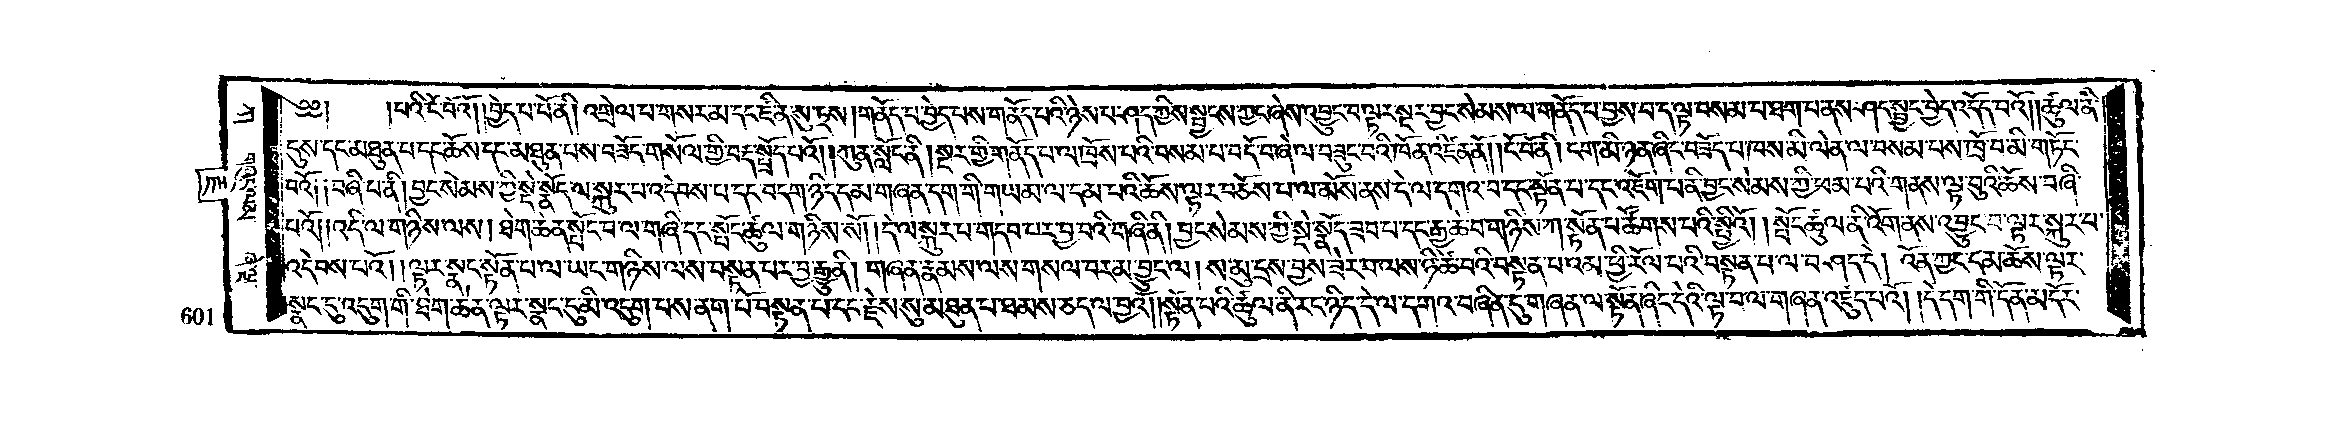༄༅། །པའི་ངོ་བོའོ། །བྱེད་པ་པོ་ནི། འགྲེལ་པ་གསར་མ་དང་ཛིན་སུ་ཏྲས། གནོད་པ་བྱེད་པས་གནོད་པའི་ཉེས་པ་ཤད་ཀྱིས་སྦྱངས་ཀྱང་ཞེས་འབྱུང་བ་ལྟར་སྔར་བྱང་སེམས་ལ་གནོད་པ་བྱས་པ་ད་ལྟ་བསམ་པ་ཐག་པ་ནས་ཤད་སྦྱང་བྱེད་འདོད་པའོ། །ཚུལ་ནི་
དུས་དང་མཐུན་པ་དང་ཆོས་དང་མཐུན་པས་བཟོད་གསོལ་གྱི་བརྡ་སྤྲོད་པའོ། །ཀུན་སློང་ནི། སྔར་གྱི་གནོད་པ་ལ་ཁྲོས་པའི་བསམ་པ་བདོ་བ་ཞེ་ལ་བཟུང་བའི་ཁོ་ན་འཛིན་ནོ། །ངོ་བོ་ནི། ངག་མི་ཉན་ཞིང་བཟོད་པ་ཁས་མི་ལེན་ལ་བསམ་པས་ཁྲོ་བ་མི་གཏོང་
བའོ༑ ༑བཞི་པ་ནི། བྱང་སེམས་ཀྱི་སྡེ་སྣོད་ལ་སྐུར་པ་འདེབས་པ་དང་བདག་ཉིད་དམ་གཞན་དག་གི་གཡམ་ལ་དམ་པའི་ཆོས་ལྟར་བཅོས་པ་ལ་མོས་ནས་དེ་ལ་དགའ་བ་དང་སྟོན་པ་དང་འཇོག་པ་ནི་བྱང་སེམས་ཀྱི་ཕམ་པའི་གནས་ལྟ་བུའི་ཆོས་བཞི་
པའོ། །འདི་ལ་གཉིས་ལས། ཐེག་ཆེན་སྤོང་བ་ལ་གཞི་དང་སྤོང་ཚུལ་གཉིས་སོ། །དེ་ལ་སྐུར་པ་གབ་པར་བྱ་བའི་གཞི་ནི། བྱང་སེམས་ཀྱི་སྡེ་སྣོད་ཟབ་པ་དང་རྒྱ་ཆེ་བ་གཉིས་ཀ་སྟོན་པ་ཚོགས་པའི་སྤྱོའོ། །སྤོང་ཚུལ་ནི་འོག་ནས་འབྱུང་བ་ལྟར་སྐུར་པ་
འདེབས་པའོ། །ལྟར་སྣང་སྟོན་པ་ལ་ཡང་གཉིས་ལས་བསྟན་པར་བྱ་རྒྱུན་ནི། གཞན་རྣམས་ལས་གསལ་བར་མ་བྱུང་ལ། ས་མུ་དྲས་བྱས་ཟེར་བ་ལས་ཉི་ཚེ་བའི་བསྟན་པ་འམ་ཕྱི་རོལ་པའི་བསྟན་པ་ལ་བཤད་དེ། འོན་ཀྱང་དམ་ཆོས་ལྟར་
སྣང་དུ་འདུག་གི་ཐེག་ཆེན་ལྟར་སྣང་དུ་མི་འདུག་པས་ནག་པོ་བསྟན་པ་དང་རྗེས་སུ་མཐུན་པ་ཐམས་ཅད་ལ་བྱའོ། །སྟོན་པའི་ཚུལ་ནི་རང་ཉིད་དེ་ལ་དགའ་བཞིན་དུ་གཞན་ལ་སྟོན་ཞིང་དེའི་ལྟ་བ་ལ་གཞན་འཛུད་པའོ། །དེ་དག་གི་དོན་མདོར་